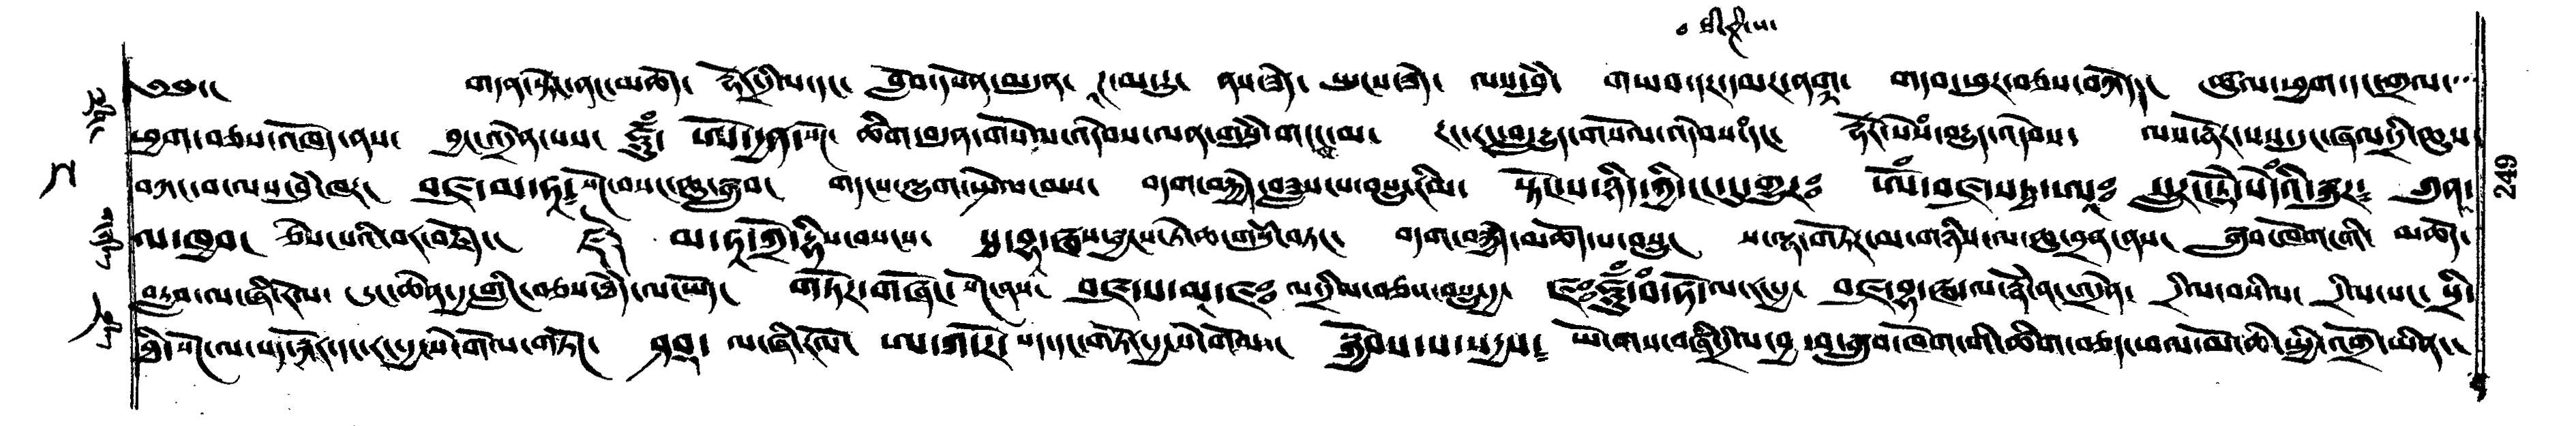གདན་སྟེང་ནང་མཆོད། རྡོར་དྲིལ་དང་། སློབ་དཔོན་མདུན། ཌཱ་མ་རུ། ནས་བཟེད། ཡུངས་བཟེད། ལས་བུམ། གཡབ་དར་དམར་ནག གདབ་ཕུར་བཅས་འཁོད། ཚུལ་ཕྱག་དང་གྲལ་
ཕྱག་བཅས་འཁོད་ནས། བྱང་འདྲེན་པས། ཧཱུྃ༔ ཨོ་རྒྱན༴ སོགས། ཚིག་བདུན་གསོལ་འདེབས་ལན་གསུམ་གདངས་མ། རང་རང་བླ་རྒྱུད་གསོལ་འདེབས་ཅི་རིགས་མ་དང་། རྡོར་སེམས་རྒྱུད་འདེབས། ལས་རྡོར་པས་དུང་ཞལ་དྲི་ཆུས་
བཀང་བ་ལས་བུམ་ཁར་བཛྲ་མ་ཧཱ༴ སོགས་བསང་ཆུ་བསྒྲུབ། གདངས་ལྷུག་སྤེལ་མས་བདག་སྐྱེད་བཟླས་པ་བསྡུ་རིམ། སྟོང་པ་ཉིད་ཀྱི་ངང་དུ་གྱུར།ཨོཾ་བཛྲ་སཏྭ་ཨཱཿ སླར་ཡང་རྡོ་རྗེ་སེམས་དཔའི་སྐུར༴ ཀུན་
ལ་ཁྱབ། ཅེས་པའི་བར་བརྗོད། མ་ཧཱ་ཀྲོ་དྷི ས་བསངས། སྭ་བྷཱ་ཝ ས་སྦྱངས་ཏེ་ཆ་གསུམ་གཏང་། བདག་སྐྱེད་མཆོད་པ་བསྡུ། ས་ལྷའི་གཏོར་མ་གཉིས་ལ་ཆུ་བྲན་ནས། སྒྲུབ་ཁོག་གི་མཆོད་
རླབས་ལ་ཞི་རོལ། དུང་ཆེན་རྒྱ་གླིང་བཅས་ཐམས་ཅད་ལ་ཡོད། གཏོར་གཞོང༴ སོགས་ནས། བཛྲ་ས་མཱ་ཛཿ ལ་དྲིལ་བཅས་བསྡུ་རྒྱ། ཛཿཧཱུྃ་བཾ་ཧོ་ལ་རང་རྒྱ། བཛྲ་བྷ་ཝ་ལ་རྣམ་ནང་འདྲེན། དྲིལ་བསིལ། དྲིལ་པད། པྲི་
ཐི་སོགས་ལ་པད་སྐོར་དང་རང་རྒྱ་སེ་གོལ་གཏོགས། ཤབྡ་ལ་ཞི་རོལ། ཨ་ཀ་རོ༴ པད་སྐོར་དང་གཏོར་རྒྱ་སེ་གོལ། སྐྱོབས་པ་སངས་རྒྱས༴ ཡོ་ག་བཞི་དྲིལ་བྱ་བ་སྒྲུབ་ཁོག་གི་ཚིག་བཅད་ཕལ་མོ་ཆེ་སྤྱི་འགྲོ་ཡིན།